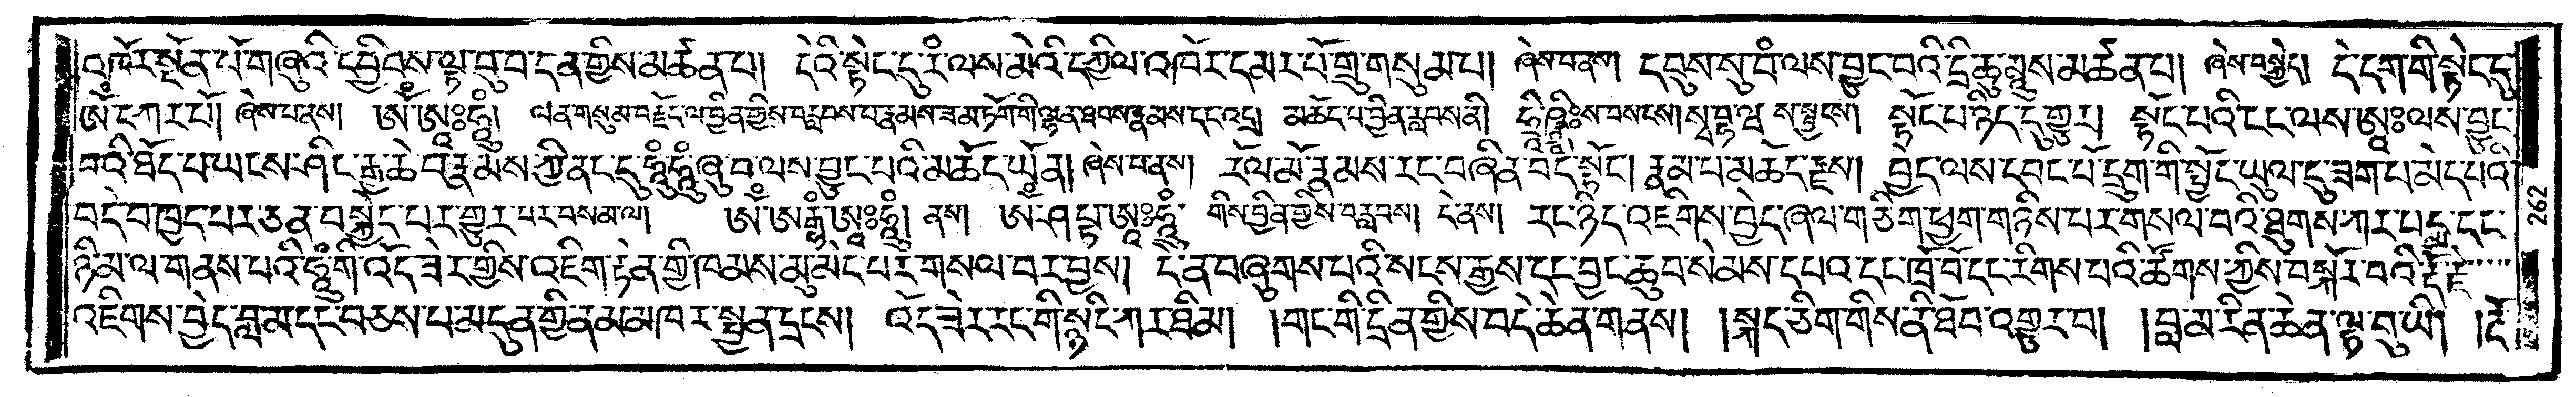འཁོར་སྔོན་པོ་གཞུའི་དབྱིབས་ལྟ་བུ་བ་དན་གྱིས་མཚན་པ། དེའི་སྟེང་དུ་རཾ་ལས་མེའི་དཀྱིལ་འཁོར་དམར་པོ་གྲུ་གསུམ་པ། ཞེས་པ་ནས། དབུས་སུ་བཾ་ལས་བྱུང་བའི་དྲི་ཆུ་མཱུས་མཚན་པ། ཞེས་བསྐྱེད། དེ་དག་གི་སྟེང་དུ་
ཨོཾ་དཀར་པོ། ཞེས་པ་ནས། ཨོཾ་ཨཱཿཧཱུཾ། ལན་གསུམ་བརྗོད་ལ་བྱིན་གྱིས་བརླབས་པ་རྣམས་ཟ་མ་ཏོག་གི་ལྷན་ཐབས་རྣམས་དང་འདྲ། མཆོད་པ་བྱིན་རླབས་ནི། ཧྲཱི་ཥྚྲཱིཿས་བསངས། སྭ་བྷ་ཝས་སྦྱངས། སྟོང་པ་ཉིད་དུ་གྱུར། སྟོང་པའི་ངང་ལས་ཨཱཿལས་བྱུང་
བའི་ཐོད་པ་ཡངས་ཤིང་རྒྱ་ཆེ་བ་རྣམས་ཀྱི་ནང་དུ་ཧཱུཾ་ཧཱུཾ་ཞུ་བ་ལས་བྱུང་པའི་མཆོད་ཡོན། ཞེས་པ་ནས། རོལ་མོ་རྣམས་རང་བཞིན་བདེ་སྟོང་། རྣམ་པ་མཆོད་རྫས། བྱེད་ལས་དབང་པོ་དྲུག་གི་སྤྱོད་ཡུལ་དུ་ཟག་པ་མེད་པའི་
བདེ་བ་ཁྱད་པར་ཅན་བསྐྱེད་པར་གྱུར་པར་བསམ་ལ། ཨོཾ་ཨརྒྷཾ་ཨཱཿཧཱུཾ། ནས། ཨོཾ་ཤཔྟ་ཨཱཿཧཱུཾ་གིས་བྱིན་གྱིས་བརླབས། དེ་ནས། རང་ཉིད་འཇིགས་བྱེད་ཞལ་གཅིག་ཕྱག་གཉིས་པར་གསལ་བའི་ཐུགས་ཀར་པདམ་དང་
ཉི་མ་ལ་གནས་པའི་ཧཱུཾ་གི་འོད་ཟེར་གྱིས་འཇིག་རྟེན་གྱི་ཁམས་མུ་མེད་པར་གསལ་བར་བྱས། དེ་ན་བཞུགས་པའི་སངས་རྒྱས་དང་བྱང་ཆུབ་སེམས་དཔའ་དང་ཁྲོ་བོ་དང་རིགས་པའི་ཚོགས་ཀྱིས་བསྐོར་བའི་རྡོ་རྗེ་
འཇིགས་བྱེད་བླ་མ་དང་བཅས་པ་མདུན་གྱི་ནམ་མཁར་སྤྱན་དྲངས། འོད་ཟེར་རང་གི་སྙིང་ཀར་ཐིམ། །གང་གི་དྲིན་གྱིས་བདེ་ཆེན་གནས། །སྐད་ཅིག་གིས་ནི་ཐོབ་འགྱུར་བ། །བླ་མ་རིན་ཆེན་ལྟ་བུ་ཡི། །རྡོ་